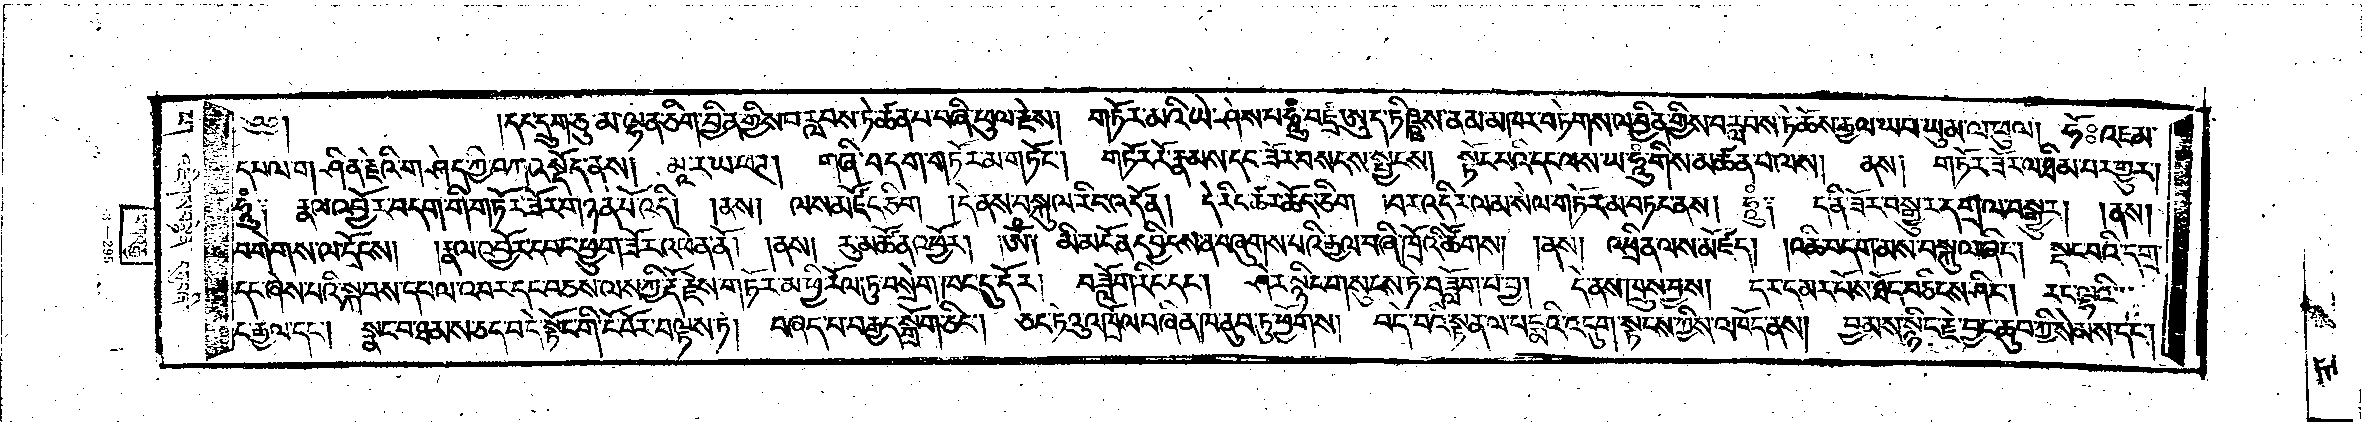༄༅། །དང་དྲུག་ཅུ་མ་ལྷན་ཅིག་བྱིན་གྱིས་བརླབས་ཏེ་ཚན་པ་བཞི་ཕུལ་རྗེས། གཏོར་མའི་ཡེ་ཤེས་པ་ཧཱུཾ་བཛྲ་ཨུད་ཏིཥཊཿཨས་ནམ་མཁར་བཏེགས་ལ་བྱིན་གྱིས་བརླབས་ཏེ་ཆོས་རྒྱལ་ཡབ་ཡུམ་ལ་ཕུལ། ཧོཿའཇམ་
དཔལ་གཤིན་རྗེའི་གཤེད་ཀྱི་བཀའ་སྡོད་ནས། མཱ་ར་ཡ་ཕཌ། གཞི་བདག་གཏོར་མ་གཏོང་། གཏོར་རོ་རྣམས་དང་ཟོར་བསངས་སྦྱངས། སྟོར་པའི་དང་ལས་ཡ་ཧཱུཾ་གིས་མཚན་པ་ལས། ནས། གཏོར་ཟོར་ལ་ཐིམ་པར་གྱུར།
ཧཱུཾ༑ རྣལ་འབྱོར་བདག་གི་གཏོར་ཟོར་གཉན་པོ་འདི། །ནས། ལས་མཛོད་ཅིག །དེ་ནས་བསྐུལ་རིང་འདོན། དེ་རིང་ཚར་ཆོད་ཅིག །བར་འདིར་ལམ་སེལ་གཏོར་མ་བཏང་ནས། ཧཱུཾ༑ ད་ནི་ཟོར་བསྒྱུར་དགྲལ་བསྒྱུར། །ནས།
བགེགས་ལ་དྲོངས། །རྣལ་འབྱོར་དབང་ཕྱུག་ཟོར་འཕེན་ནོ། །ནས། རུ་མཚོན་འཕྱོར། །ཨོཾ༑ མི་མངོན་དབྱིངས་ན་བཞུགས་པའི་རྒྱལ་བཞི་ཁྲོའི་ཚོགས། །ནས། འཕྲིན་ལས་མཛོད། །འཆི་བདག་མས་བསྐུལ་ཞིང་། སྡང་བའི་དགྲ་
དང་ཞེས་པའི་སྐབས་དཔལ་འབར་དང་བཅས་ལས་ཀྱི་རྡོ་རྗེས་གཏོར་མ་ཕྱི་རོལ་ཏུ་བསྲེག་ཁང་དུ་དོར། བཟློག་རིང་དང་། ཤེར་སྙིང་གསུངས་ཏེ་བཟློག་པ་བྱ། དེ་ནས་ཁྲུས་བྱས། དར་དམར་པོས་ཐོད་བཅིངས་ཤིང་། རང་ལྷའི་
ང་རྒྱལ་དང་། སྣང་བ་ཐམས་ཅད་བདེ་སྟོང་གི་ངོ་བོར་བལྟས་ཏེ། བཞད་པ་བརྒྱད་སྒྲོག་ཅིང་། ཅང་ཏེའུ་འཁྲོལ་བཞིན་ཁ་ནུབ་ཏུ་ཕྱོགས། བདེ་བའི་སྟན་ལ་པདམའི་འདུག་སྟངས་ཀྱིས་འཁོད་ནས། བྱམས་སྙིང་རྗེ་བྱང་ཆུབ་ཀྱི་སེམས་དང་།